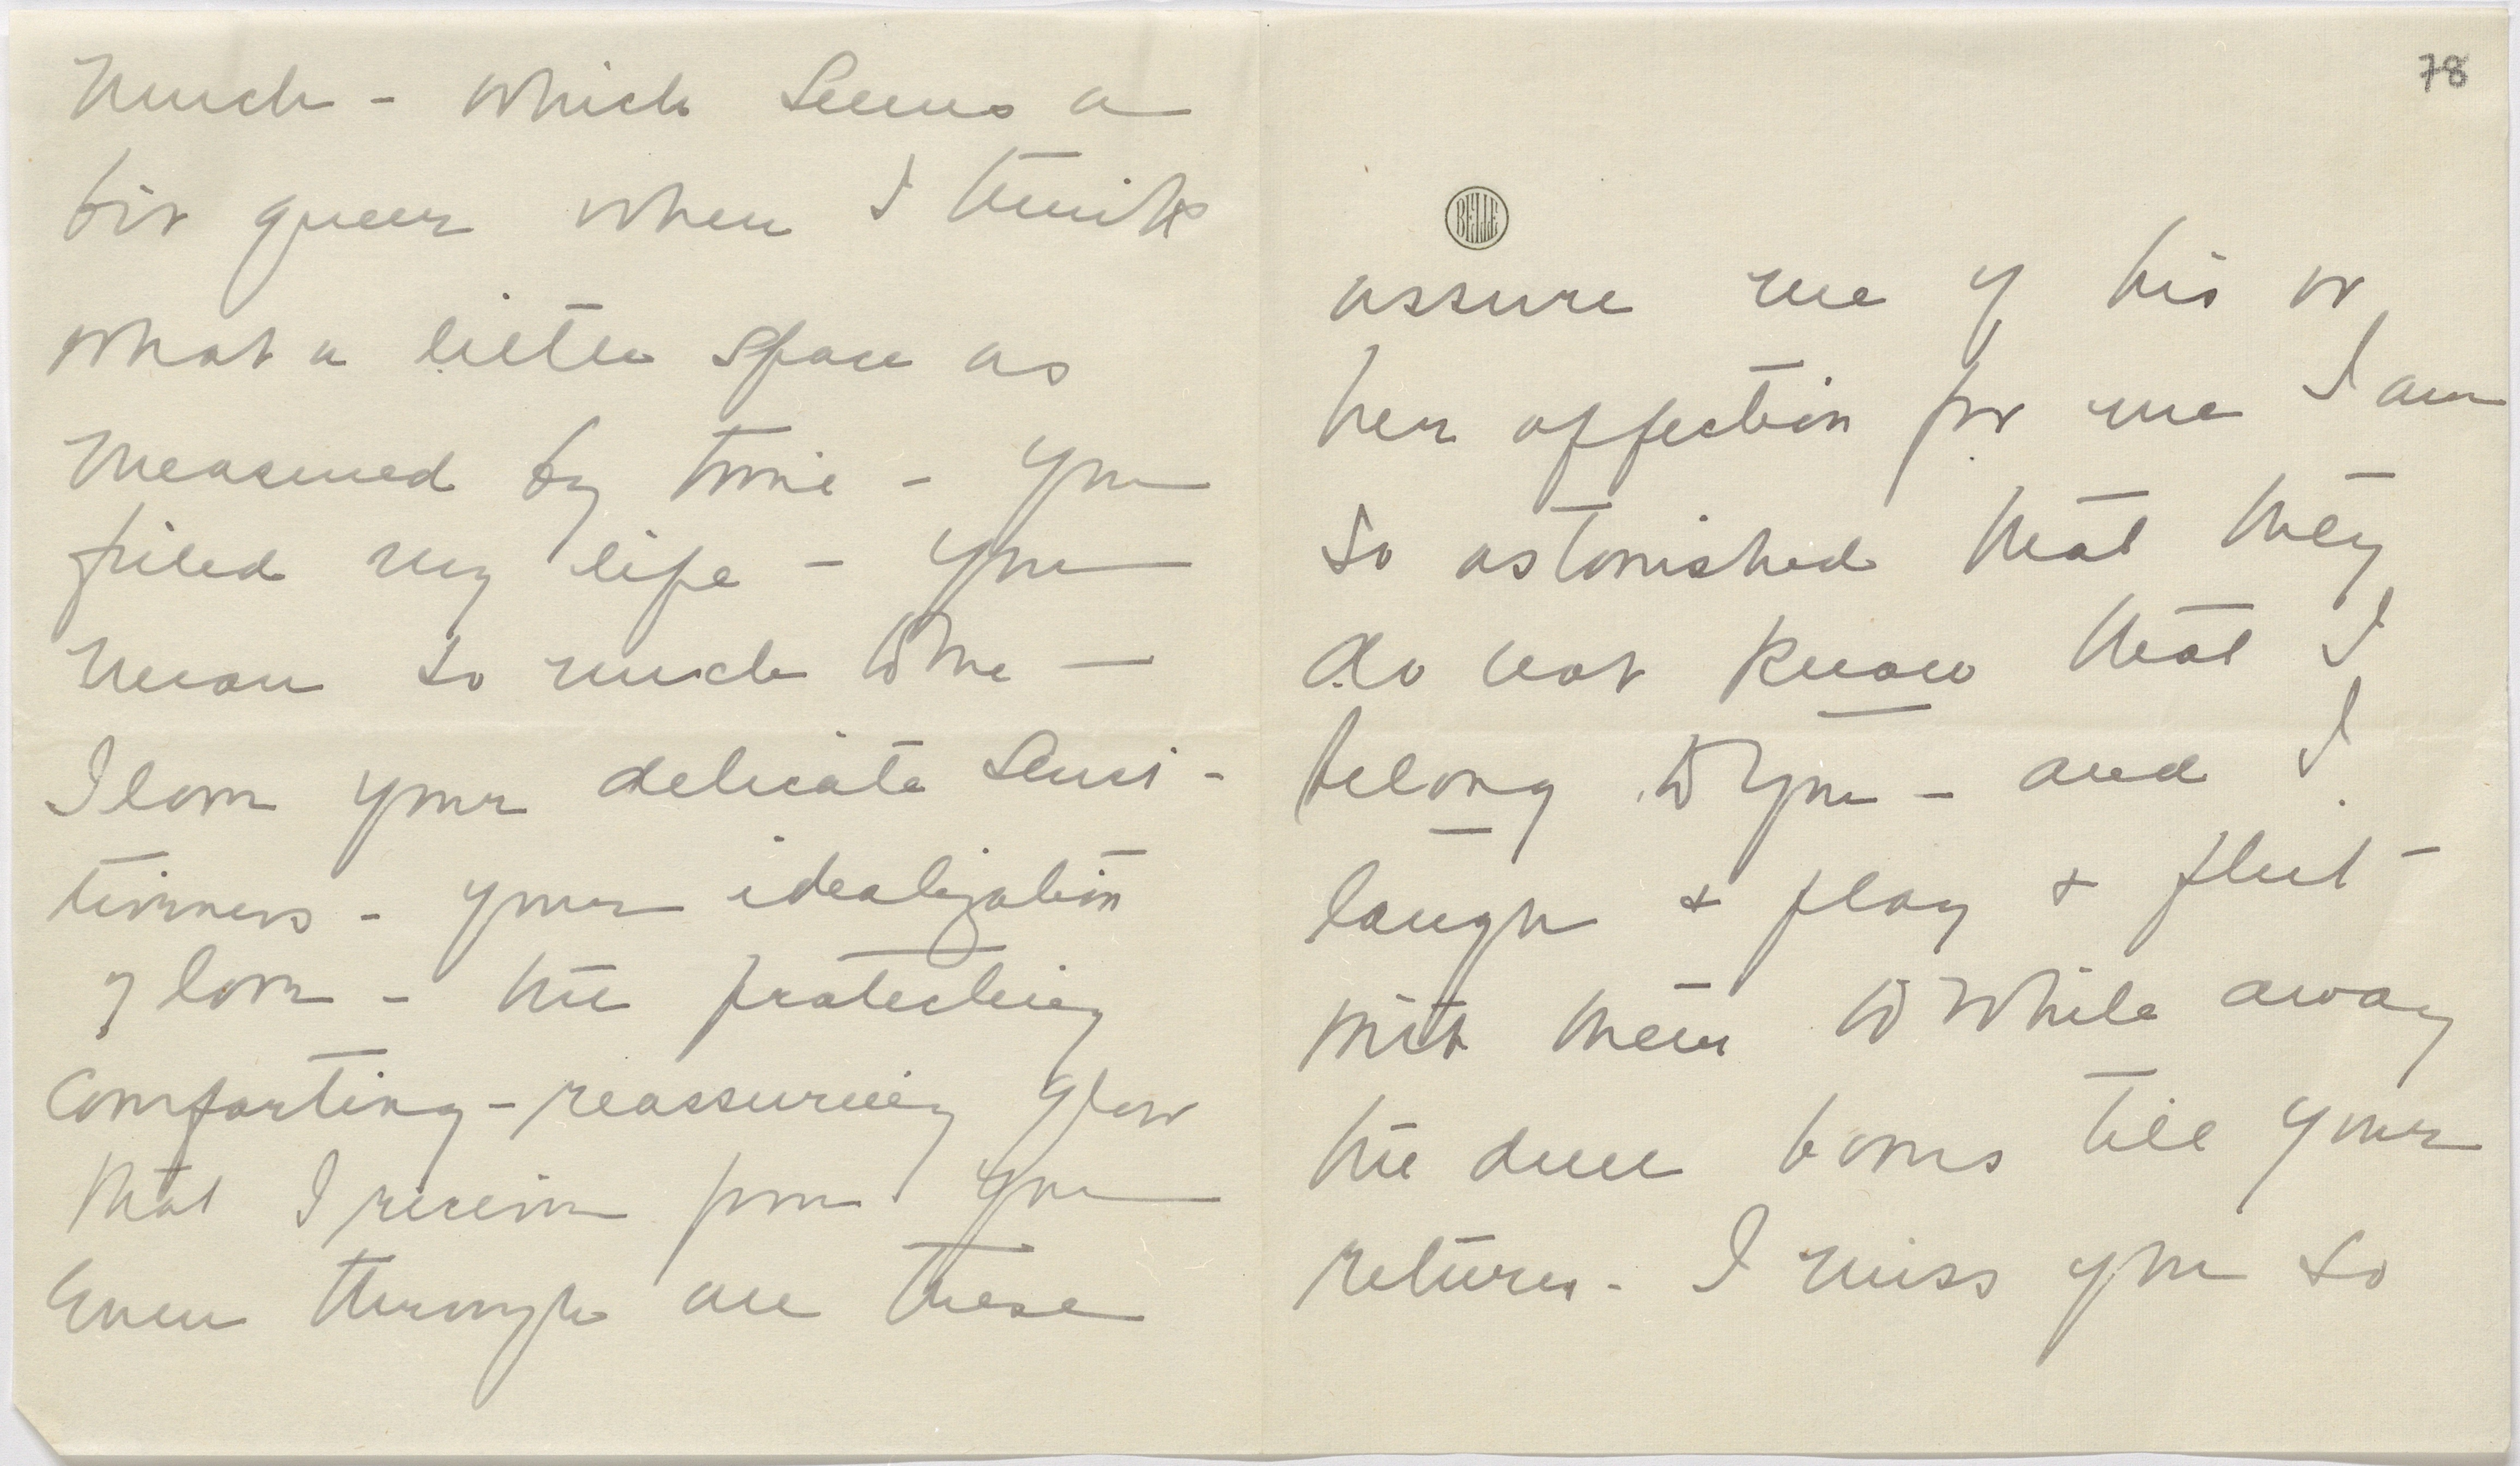assure me of his or her affection for me I am so astonished that they do not know that I belong to you – and I laugh & play & flirt with them to while away the dull hours till your return. I miss you so
much – which seems a bit queer when I think what a little space as measured by time – you filled my life – you mean so much to me – I love your delicate sensitiveness – your idealization of love – the protecting comforting – reassuring glow that I receive from you even through all these